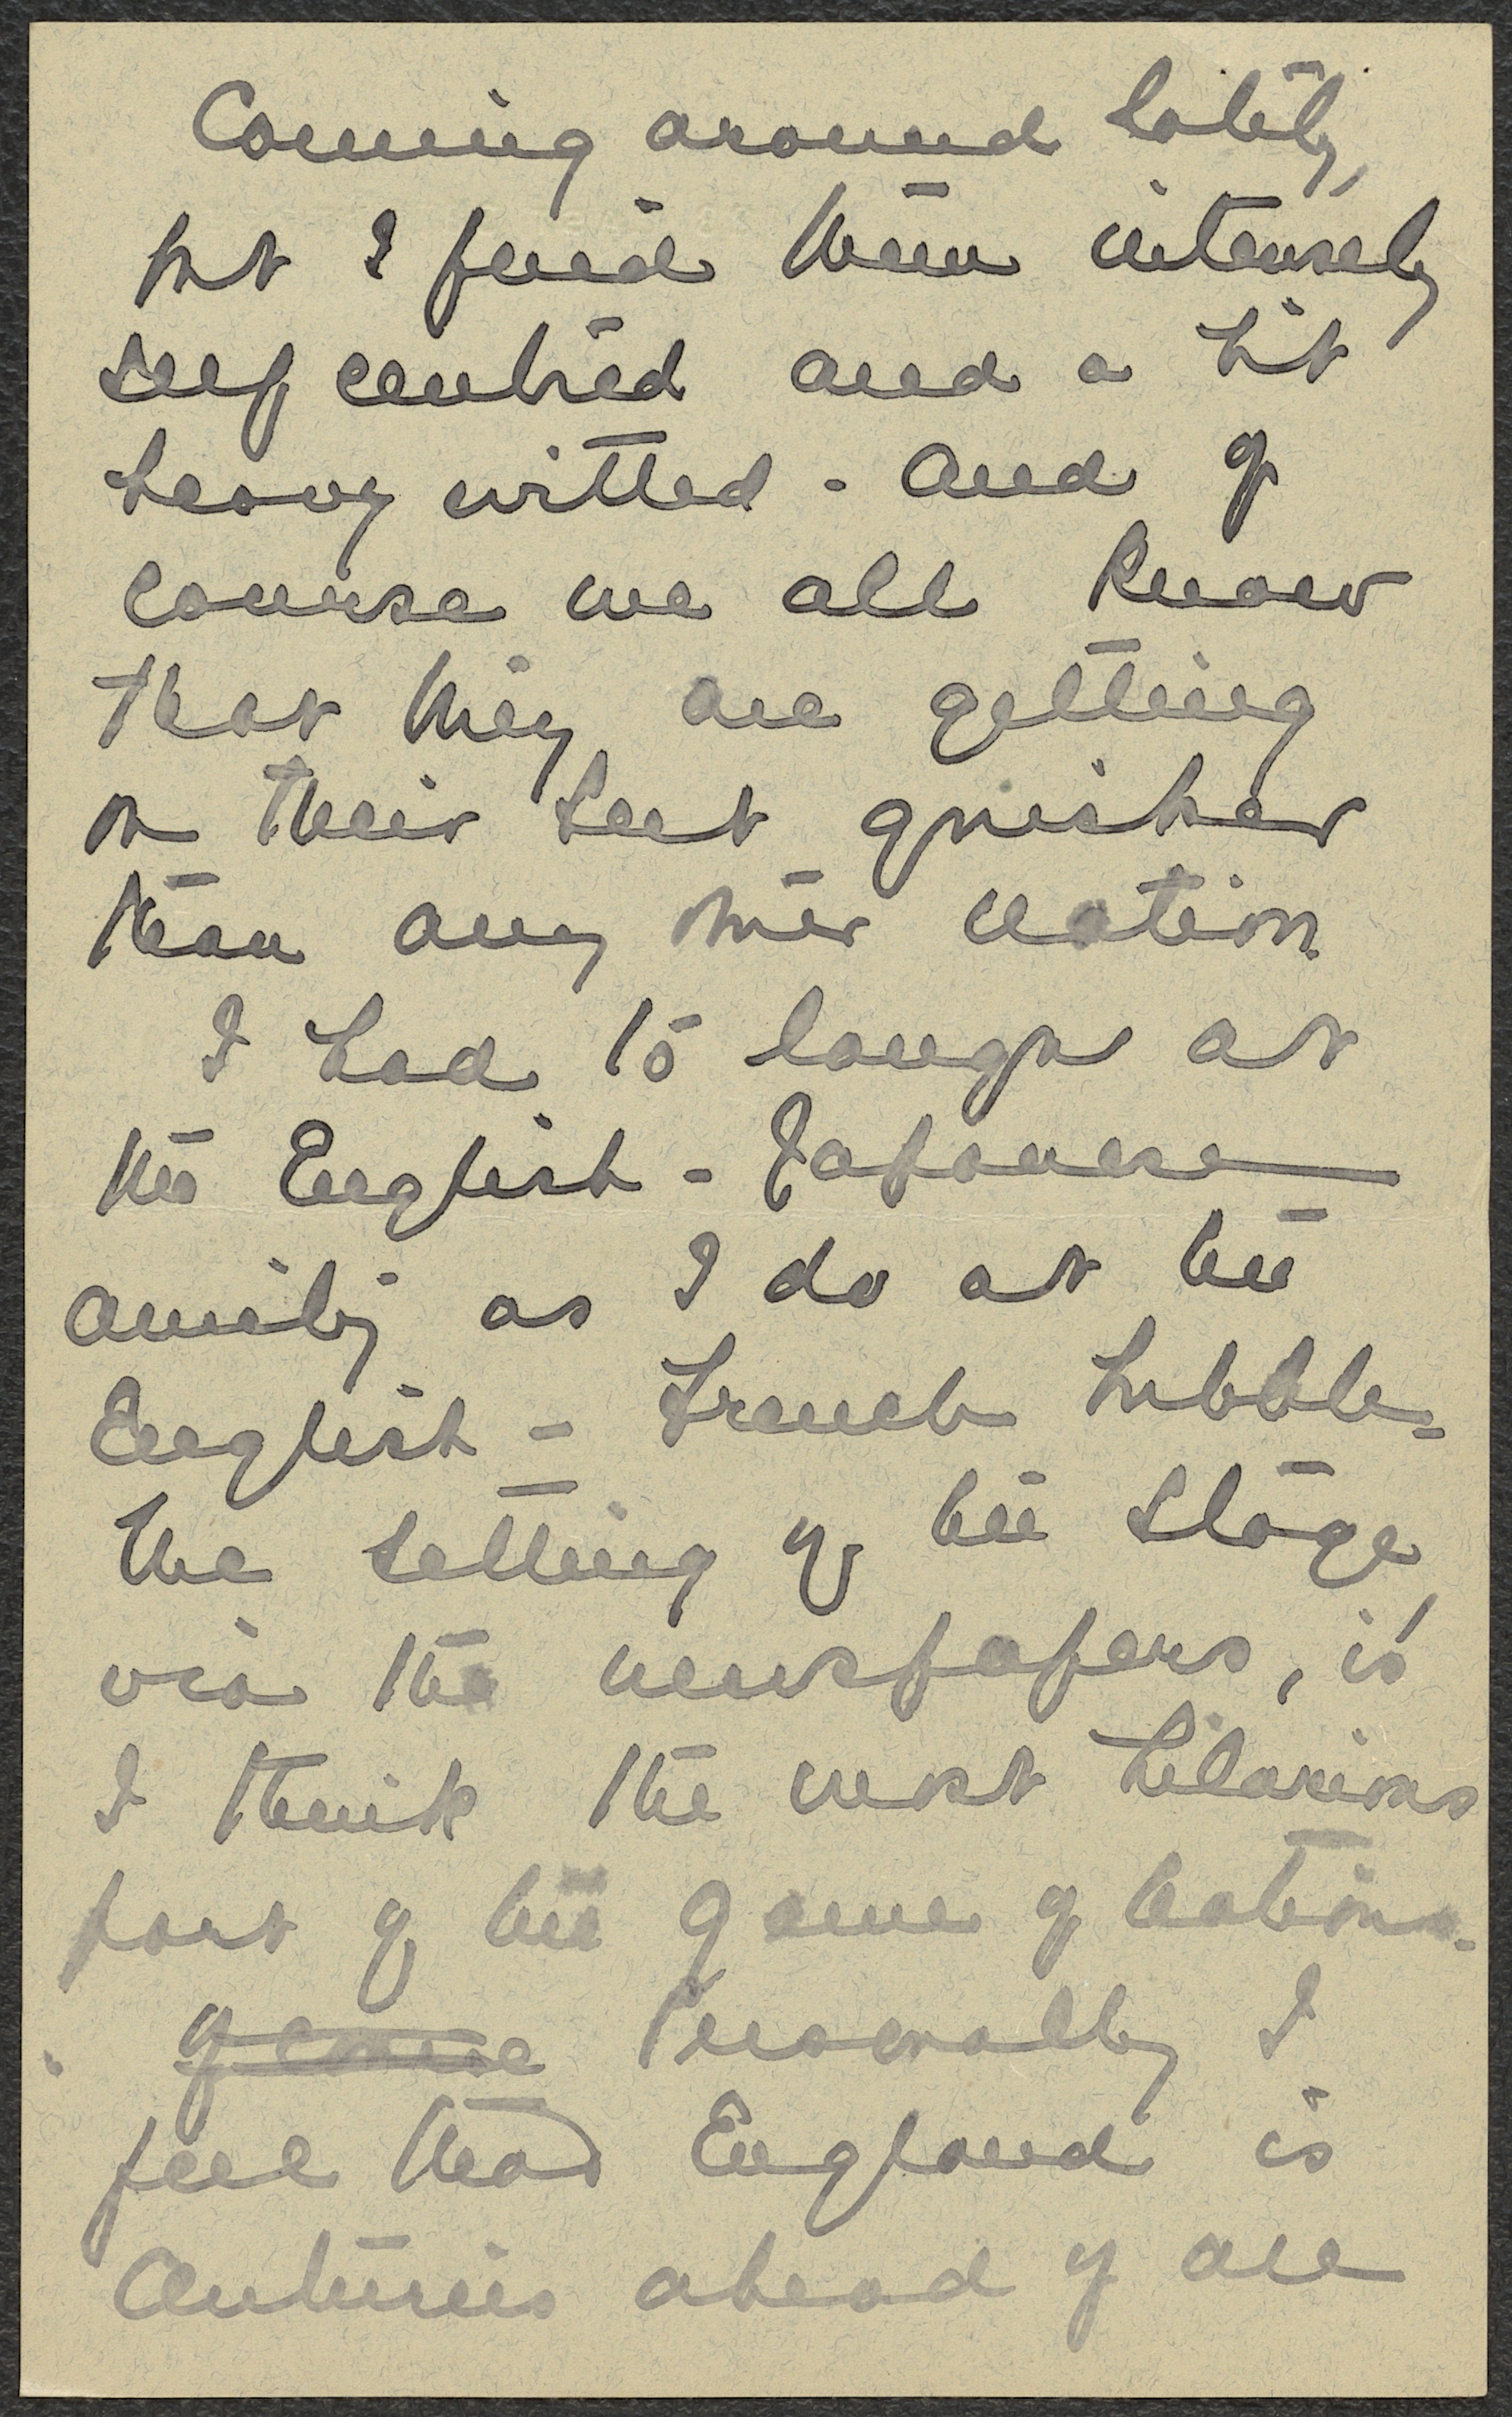coming around lately, but I find them intensely self centred and a bit heavy witted – and of course we all know that they are getting on their feet quicker than any other nation.
I had to laugh at the English-Japanese amity as I do at the English-French bubble – The setting of the stage, via the newspapers, is I think the most hilarious part of the game of nations. of course Personally I feel that England is centuries ahead of all